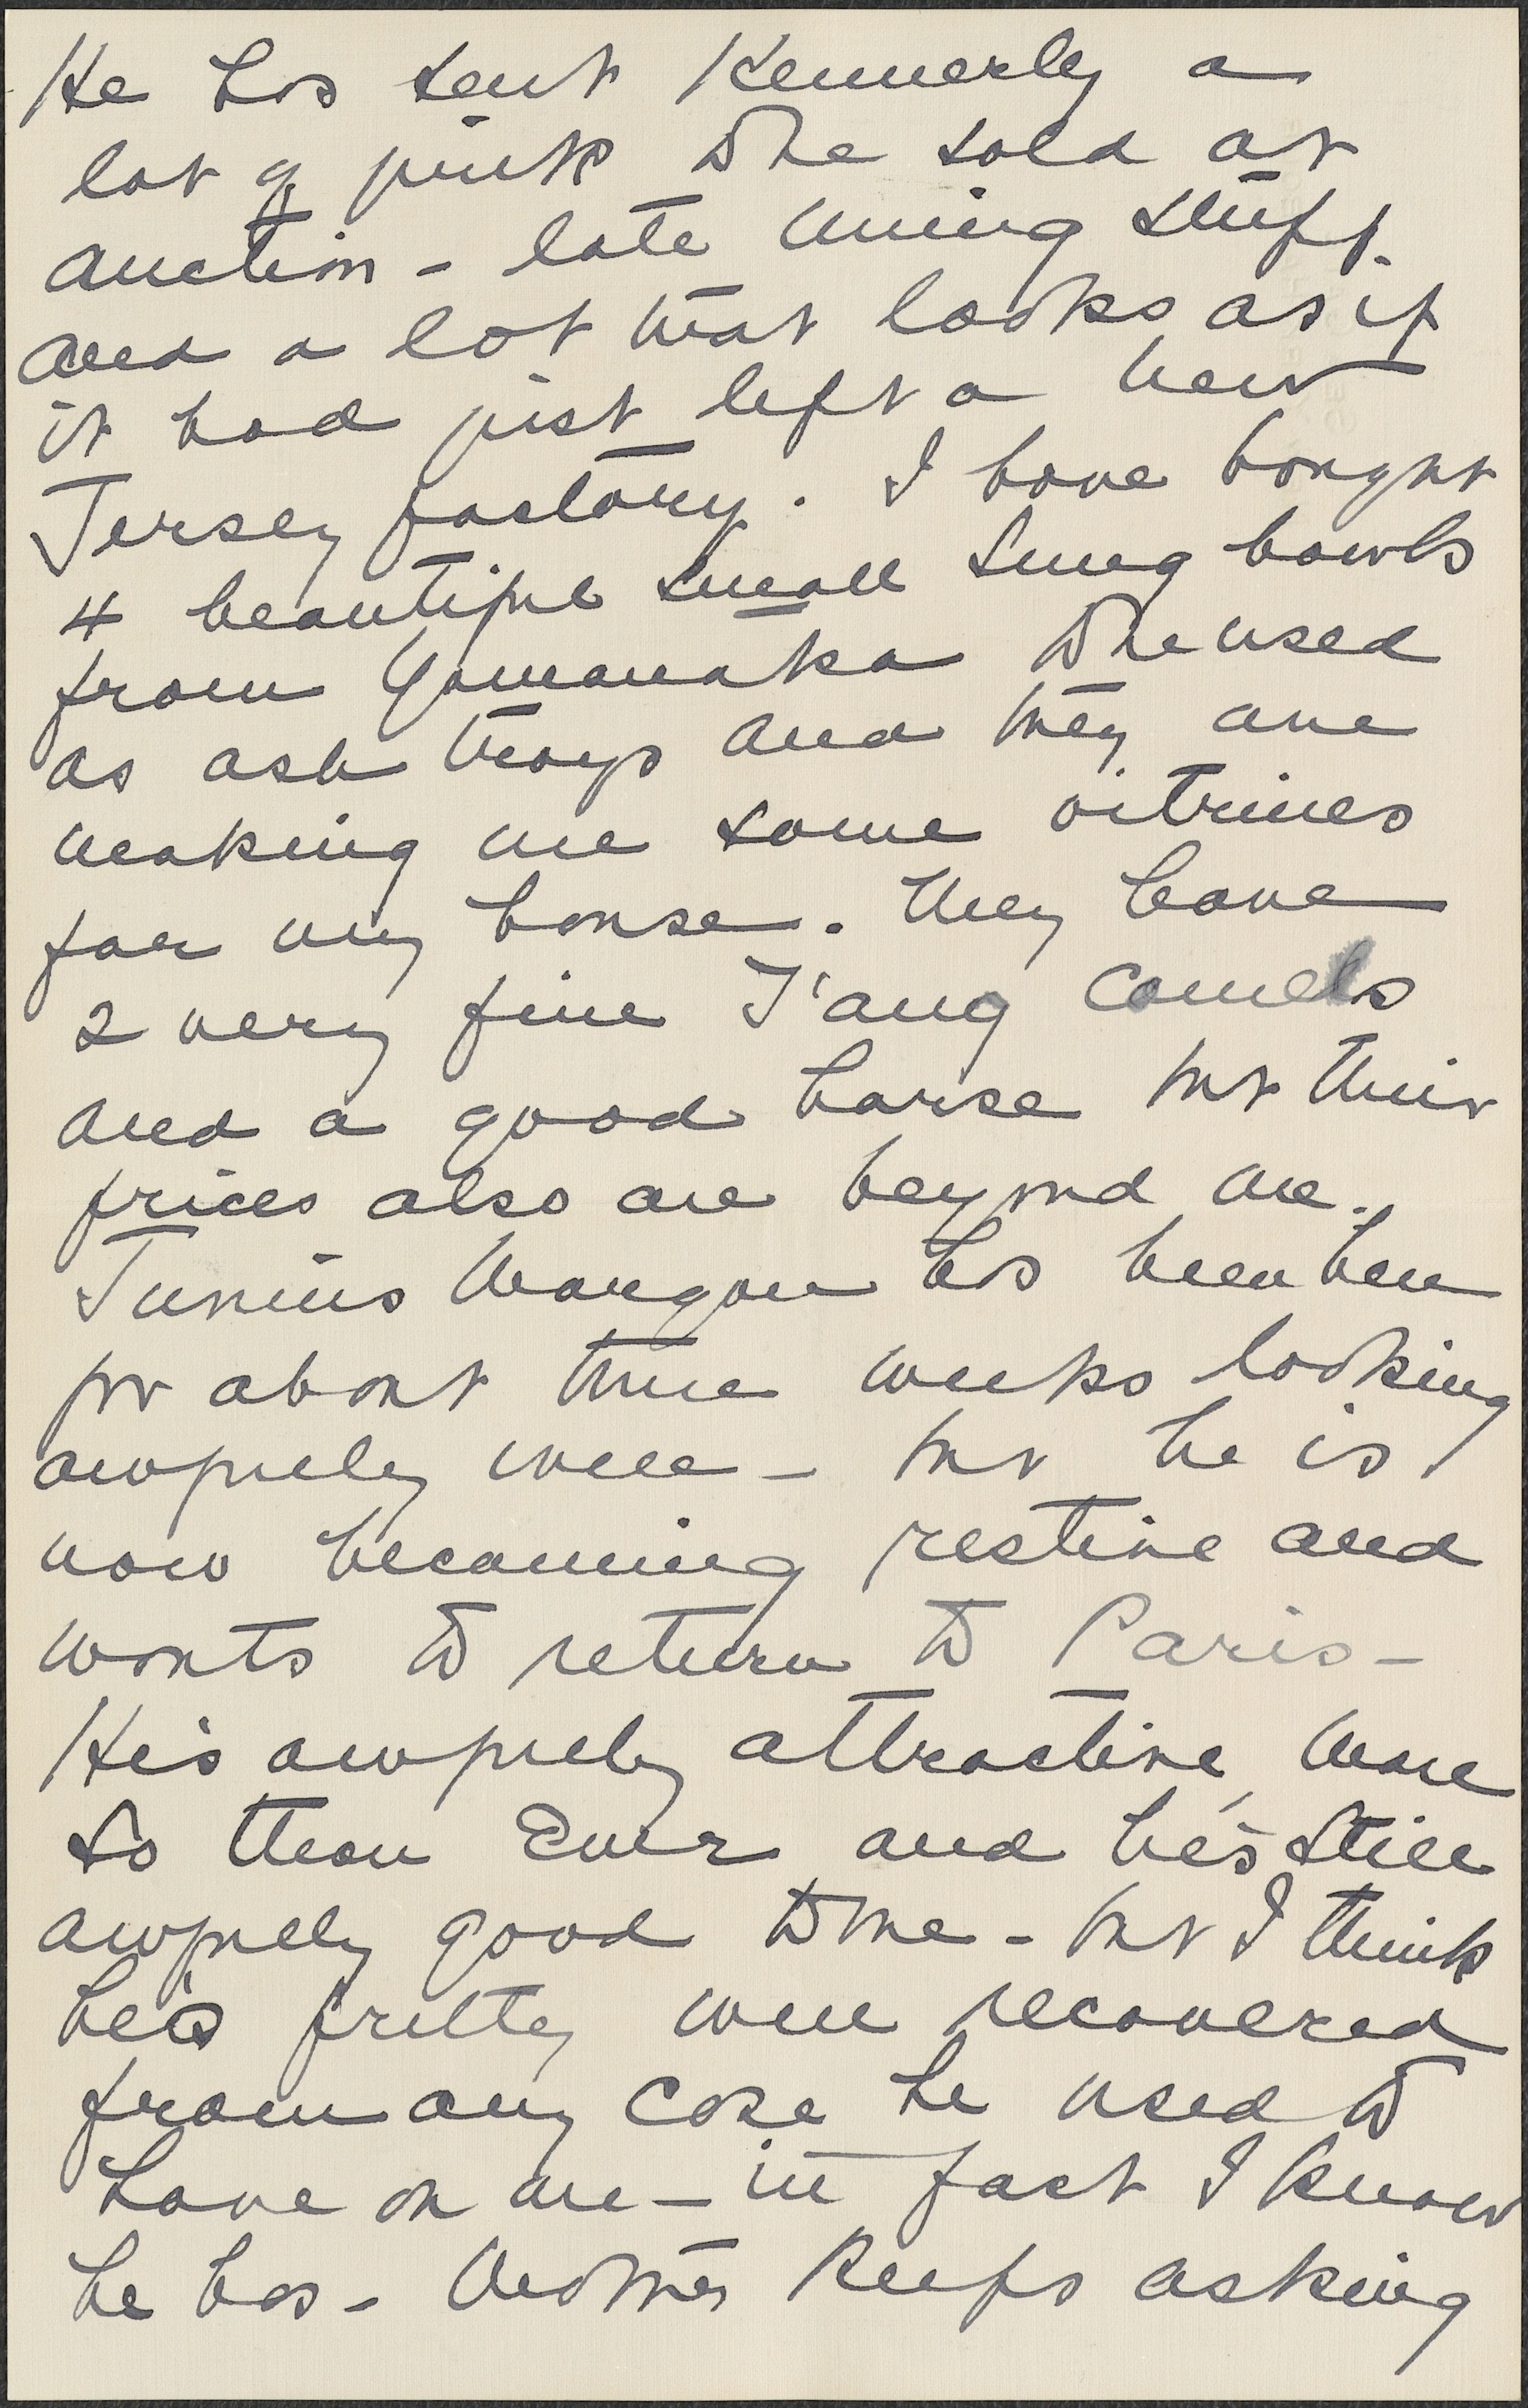He has sent Kennerly a lot of junk to be sold at auction – late Ming stuff. And a lot that looks as if it had just left a New Jersey factory. I have bought 4 beautiful small Sung bowls from Yamanaka to be used as ash trays and they are making me some vitrines for my house. They have 2 very fine T'ang camels and a good horse but their prices also are beyond me. Junius Morgan has been here for about three weeks looking awfully well – but he is now becoming restive and wants to return to Paris – He's awfully attractive, more so than ever and he's still awfully good to me – but I think he's pretty well recovered from any case he used to have on me – in fact I know he has – Mother keeps asking